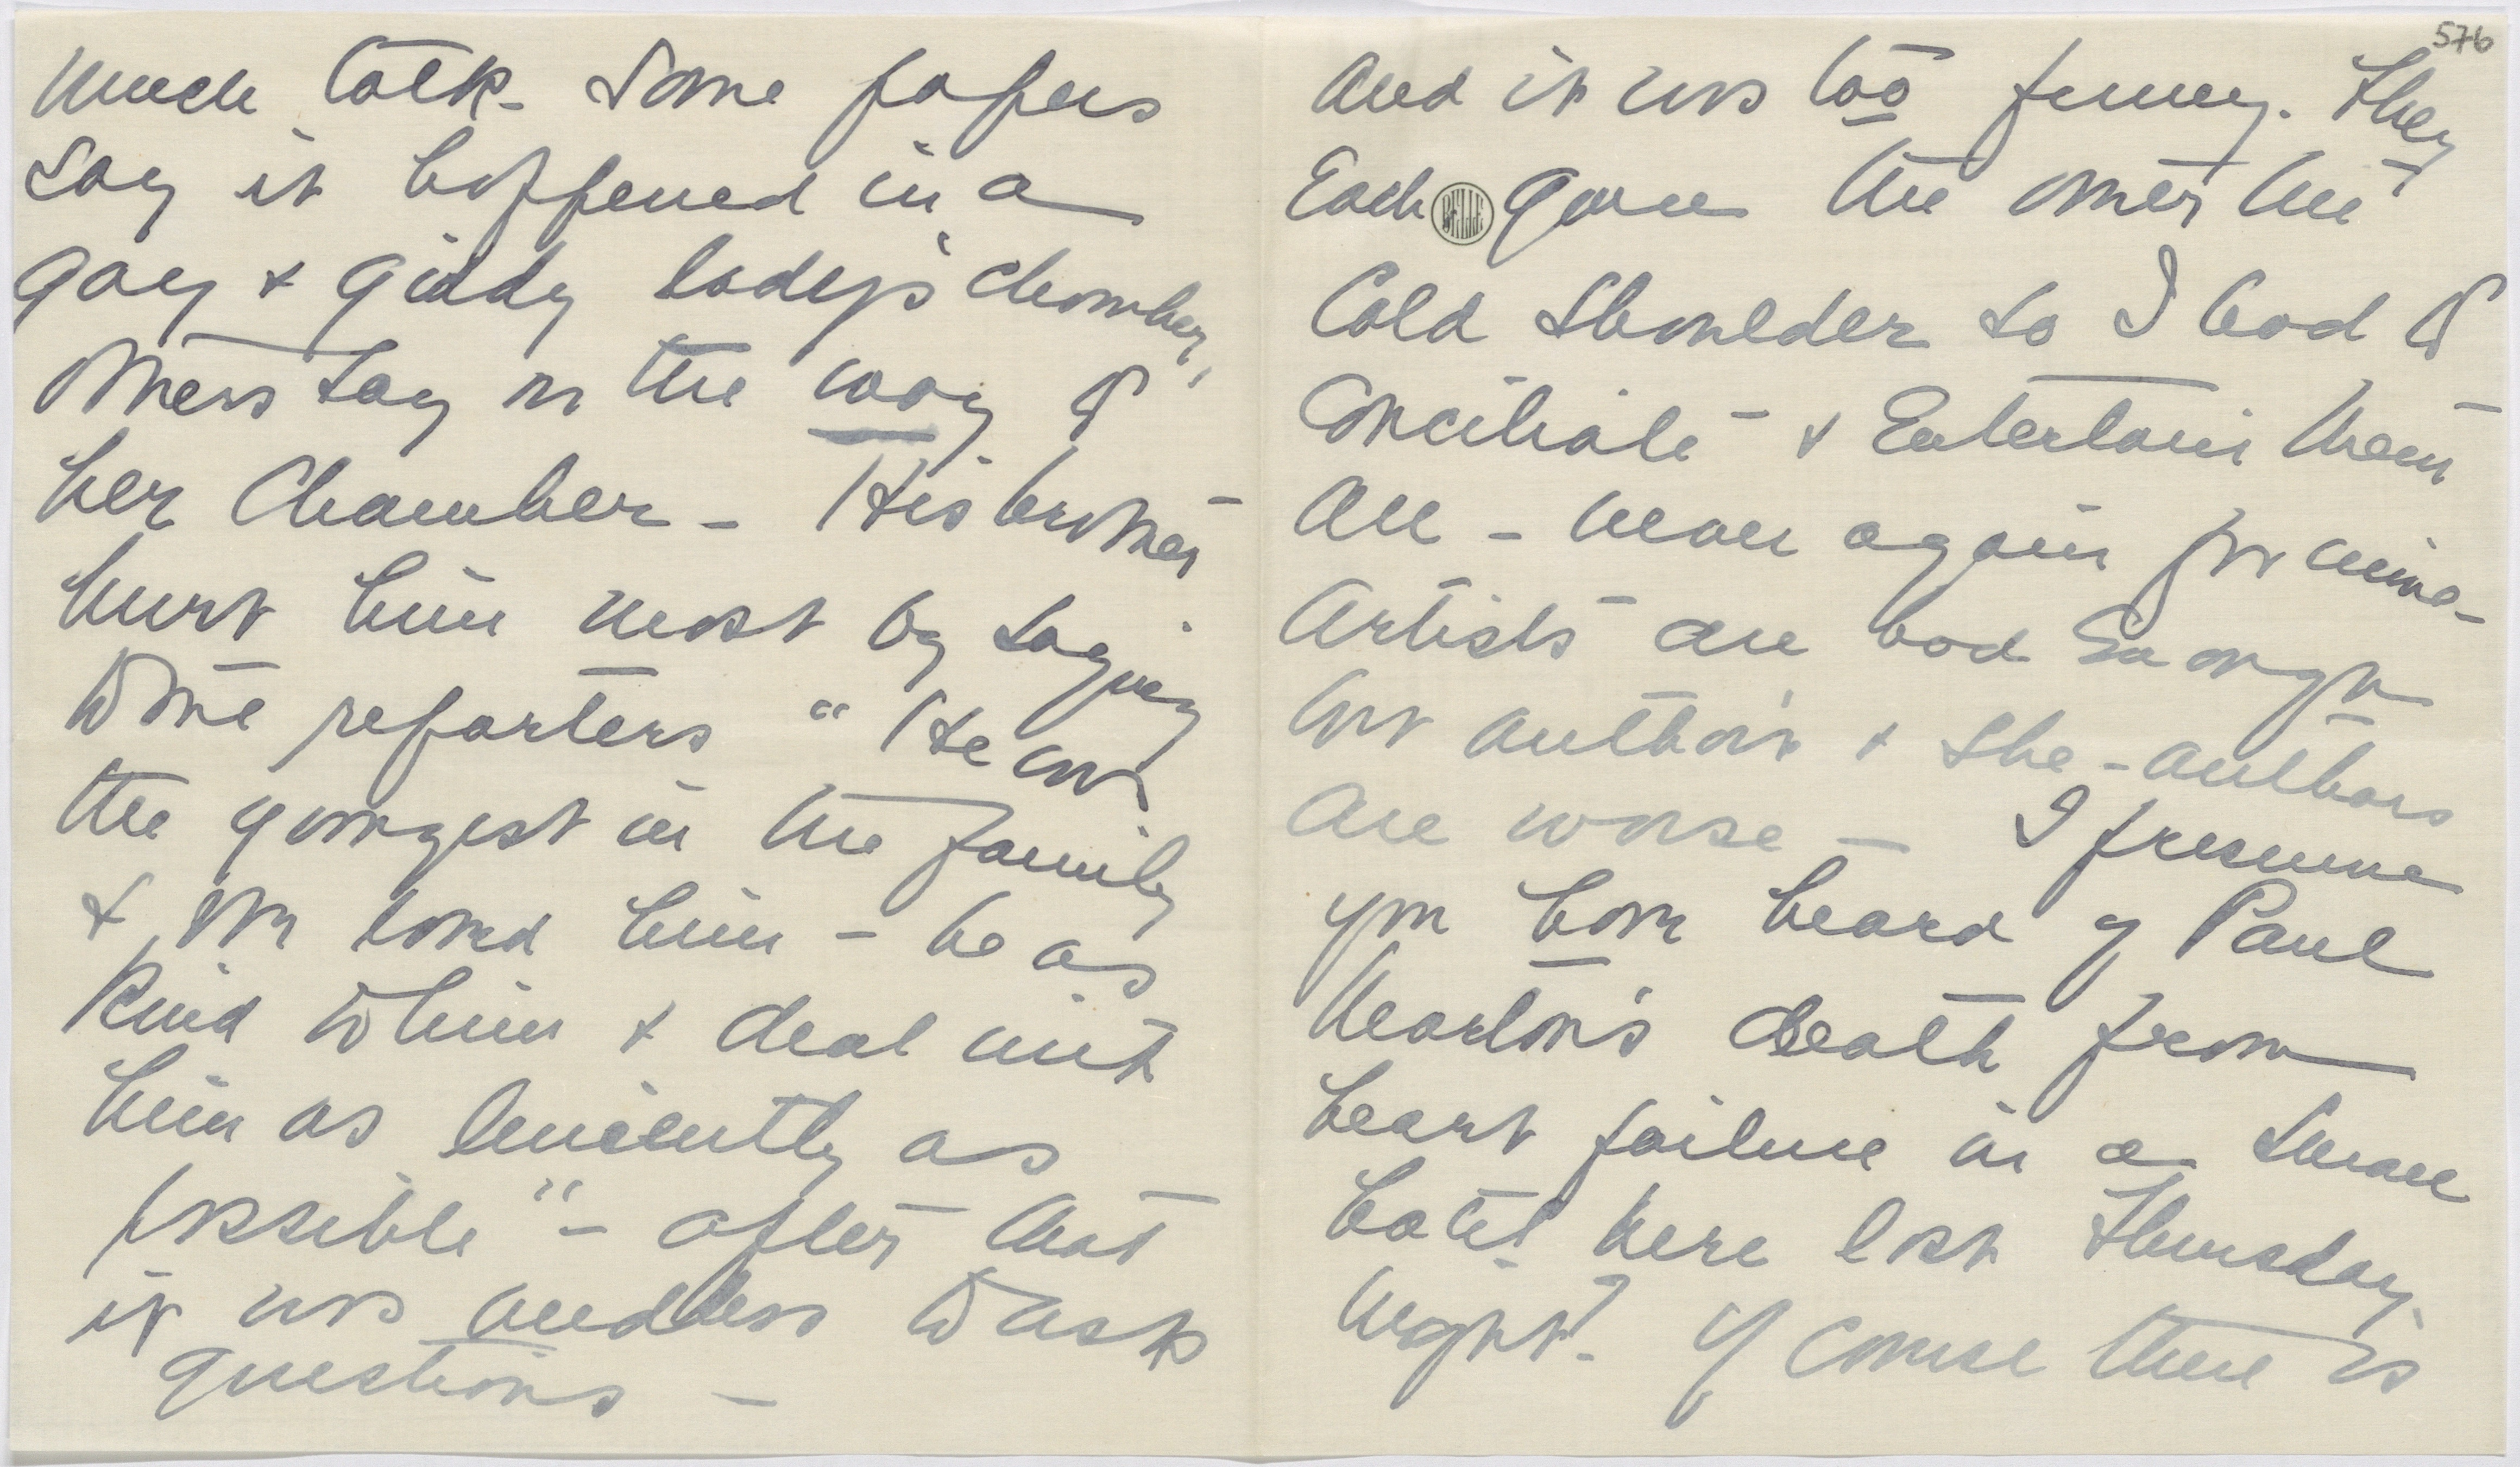and it was too funny. They each gave the other the cold shoulder so I had to conciliate & entertain them all – never again for mine artists are bad enough but author’s [sic] & she-authors are worse – I presume you have heard of Paul Morton’s death from heart failure in a small hotel here last Thursday night? of course there is
much talk – some papers say it happened in a gay & giddy lady’s chamber, others say on the way to her chamber – His brother hurt him most by saying to the reporters “He was the youngest in the family & we loved him – be as kind to him & deal with him as leniently as possible” – after that it was needless to ask questions –